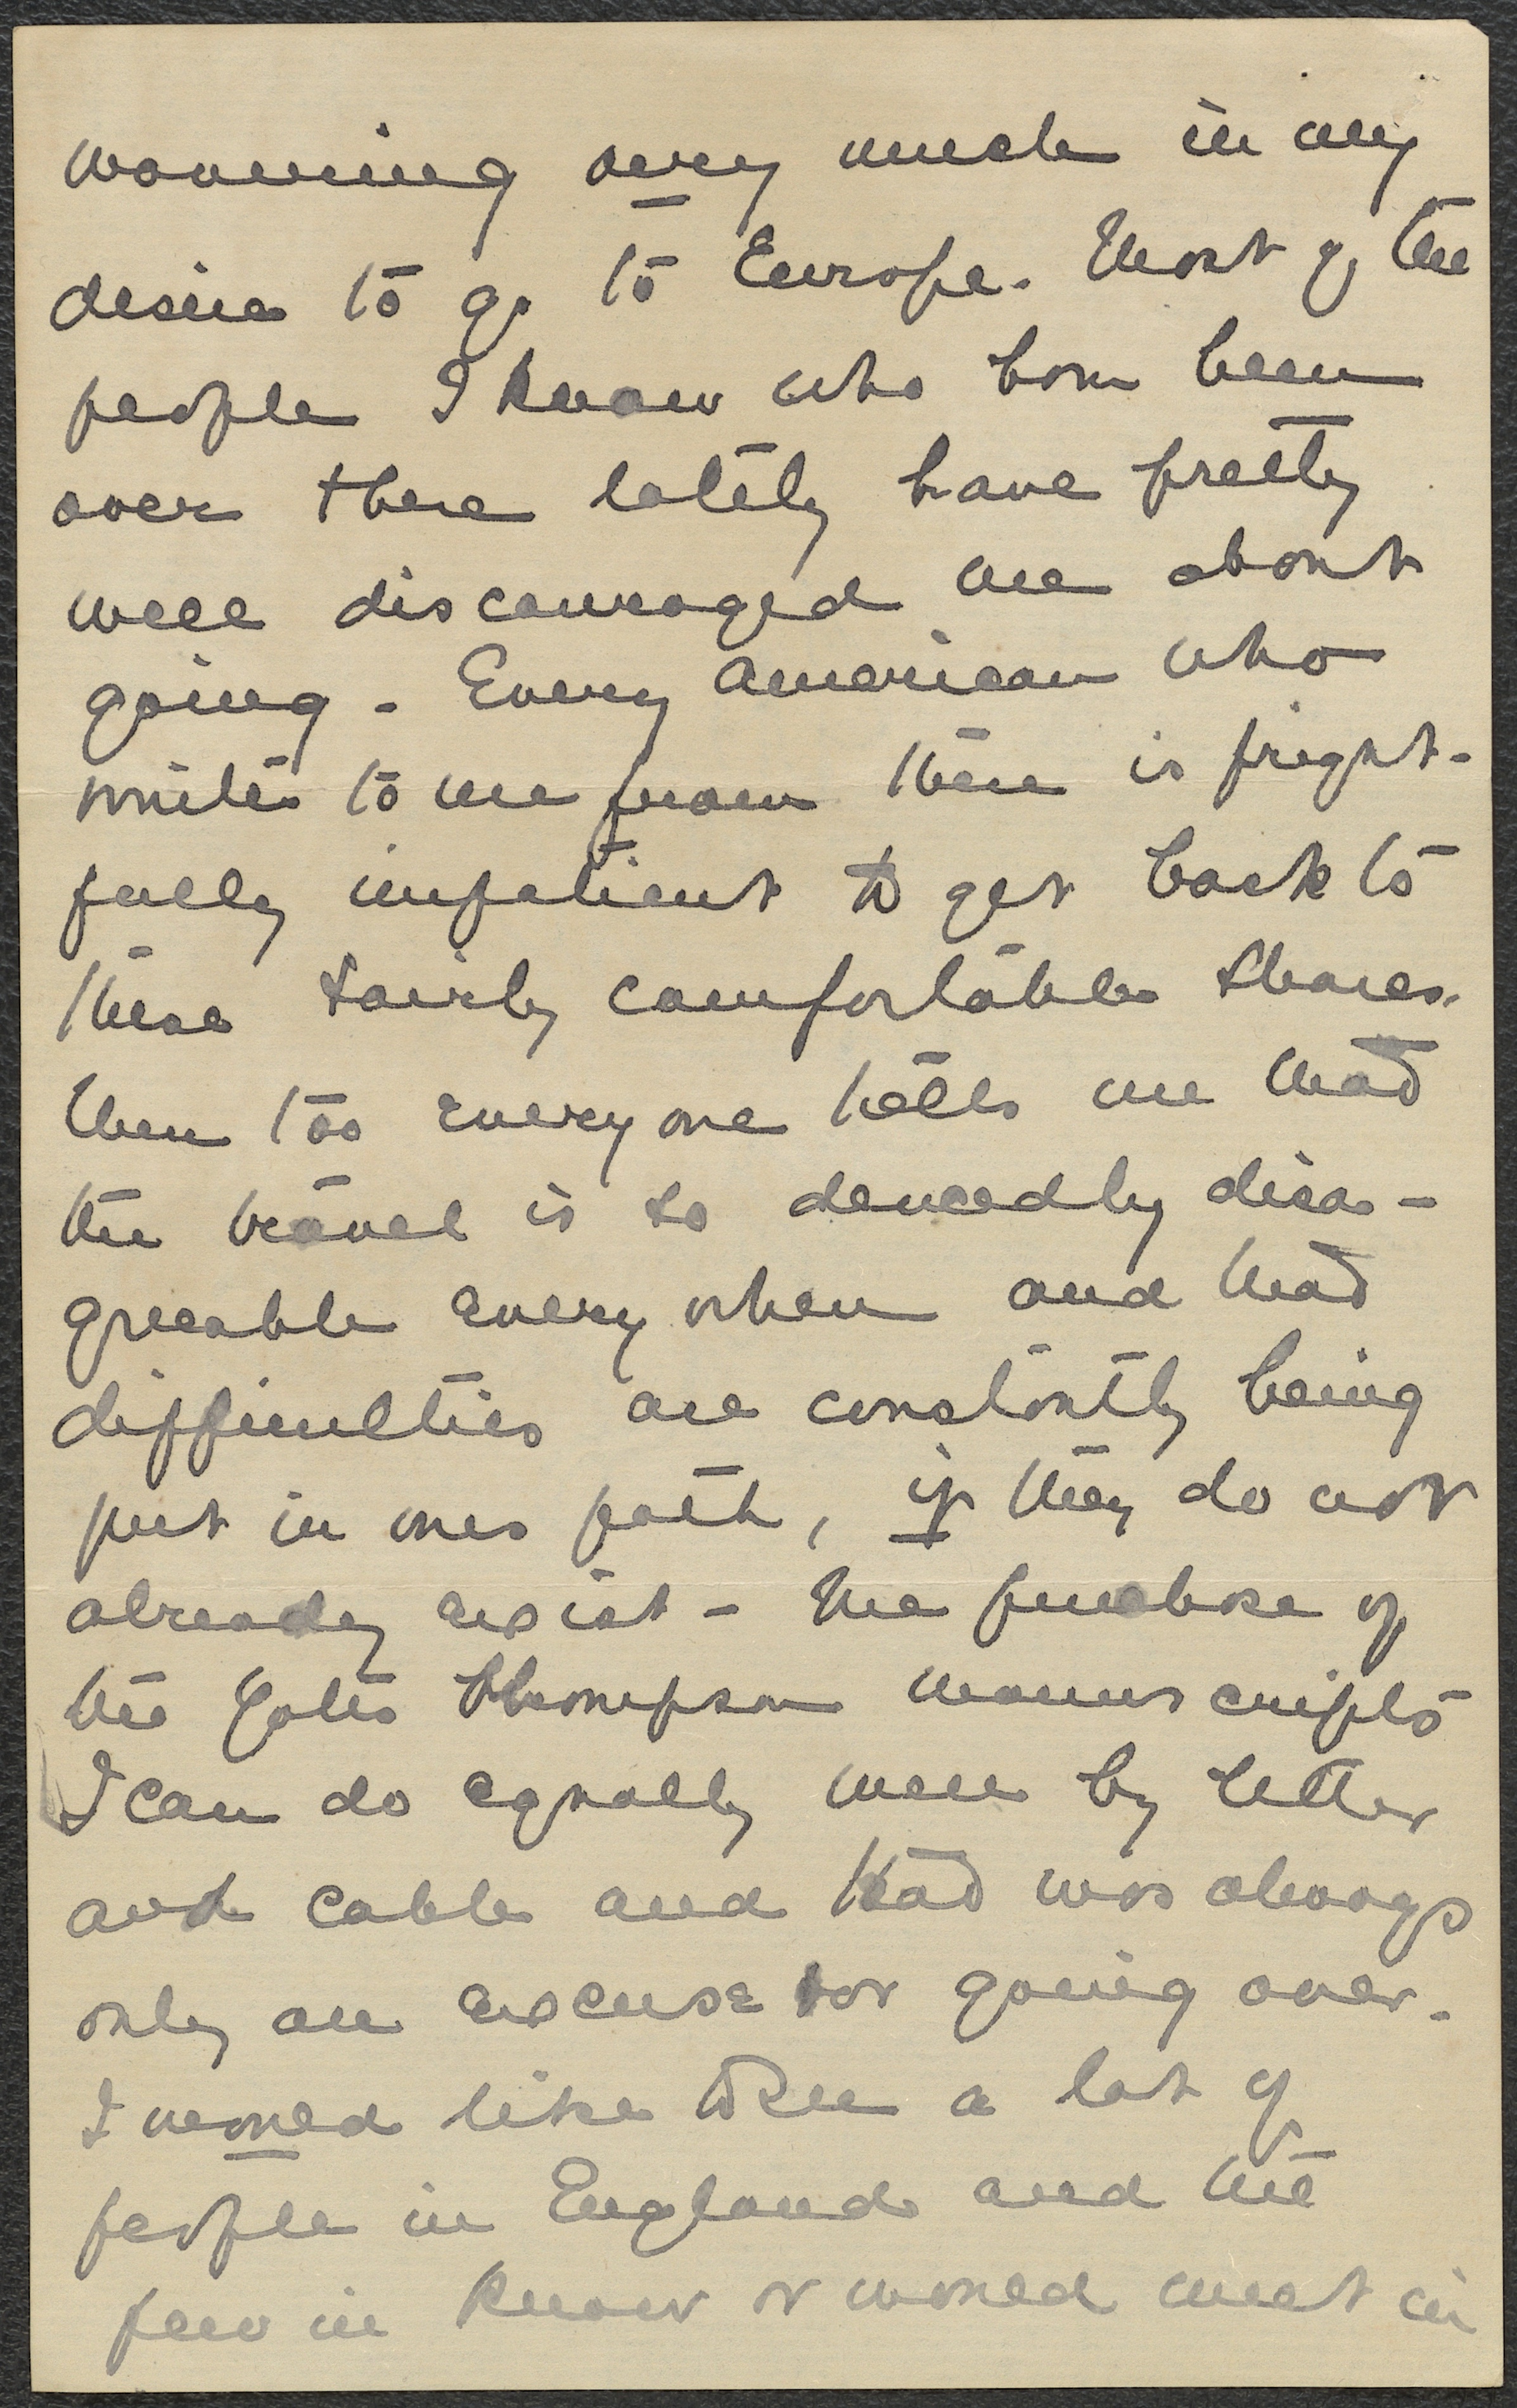wavering very much in any desire to go to Europe. Most of the people I know who have been over there lately have pretty well discouraged me about going – Every American who writes to me from there is frightfully impatient to get back to these fairly comfortable states. Then too every one tells me that the travel is so deucedly disagreeable every where and that difficulties are constantly being put in ones path, if they do not already exist – The purchase of the Yates Thompson manuscripts I can do equally well by letter and cable and that was always only an excuse for going over. I would like to see a lot of people in England and the few in know or would meet in